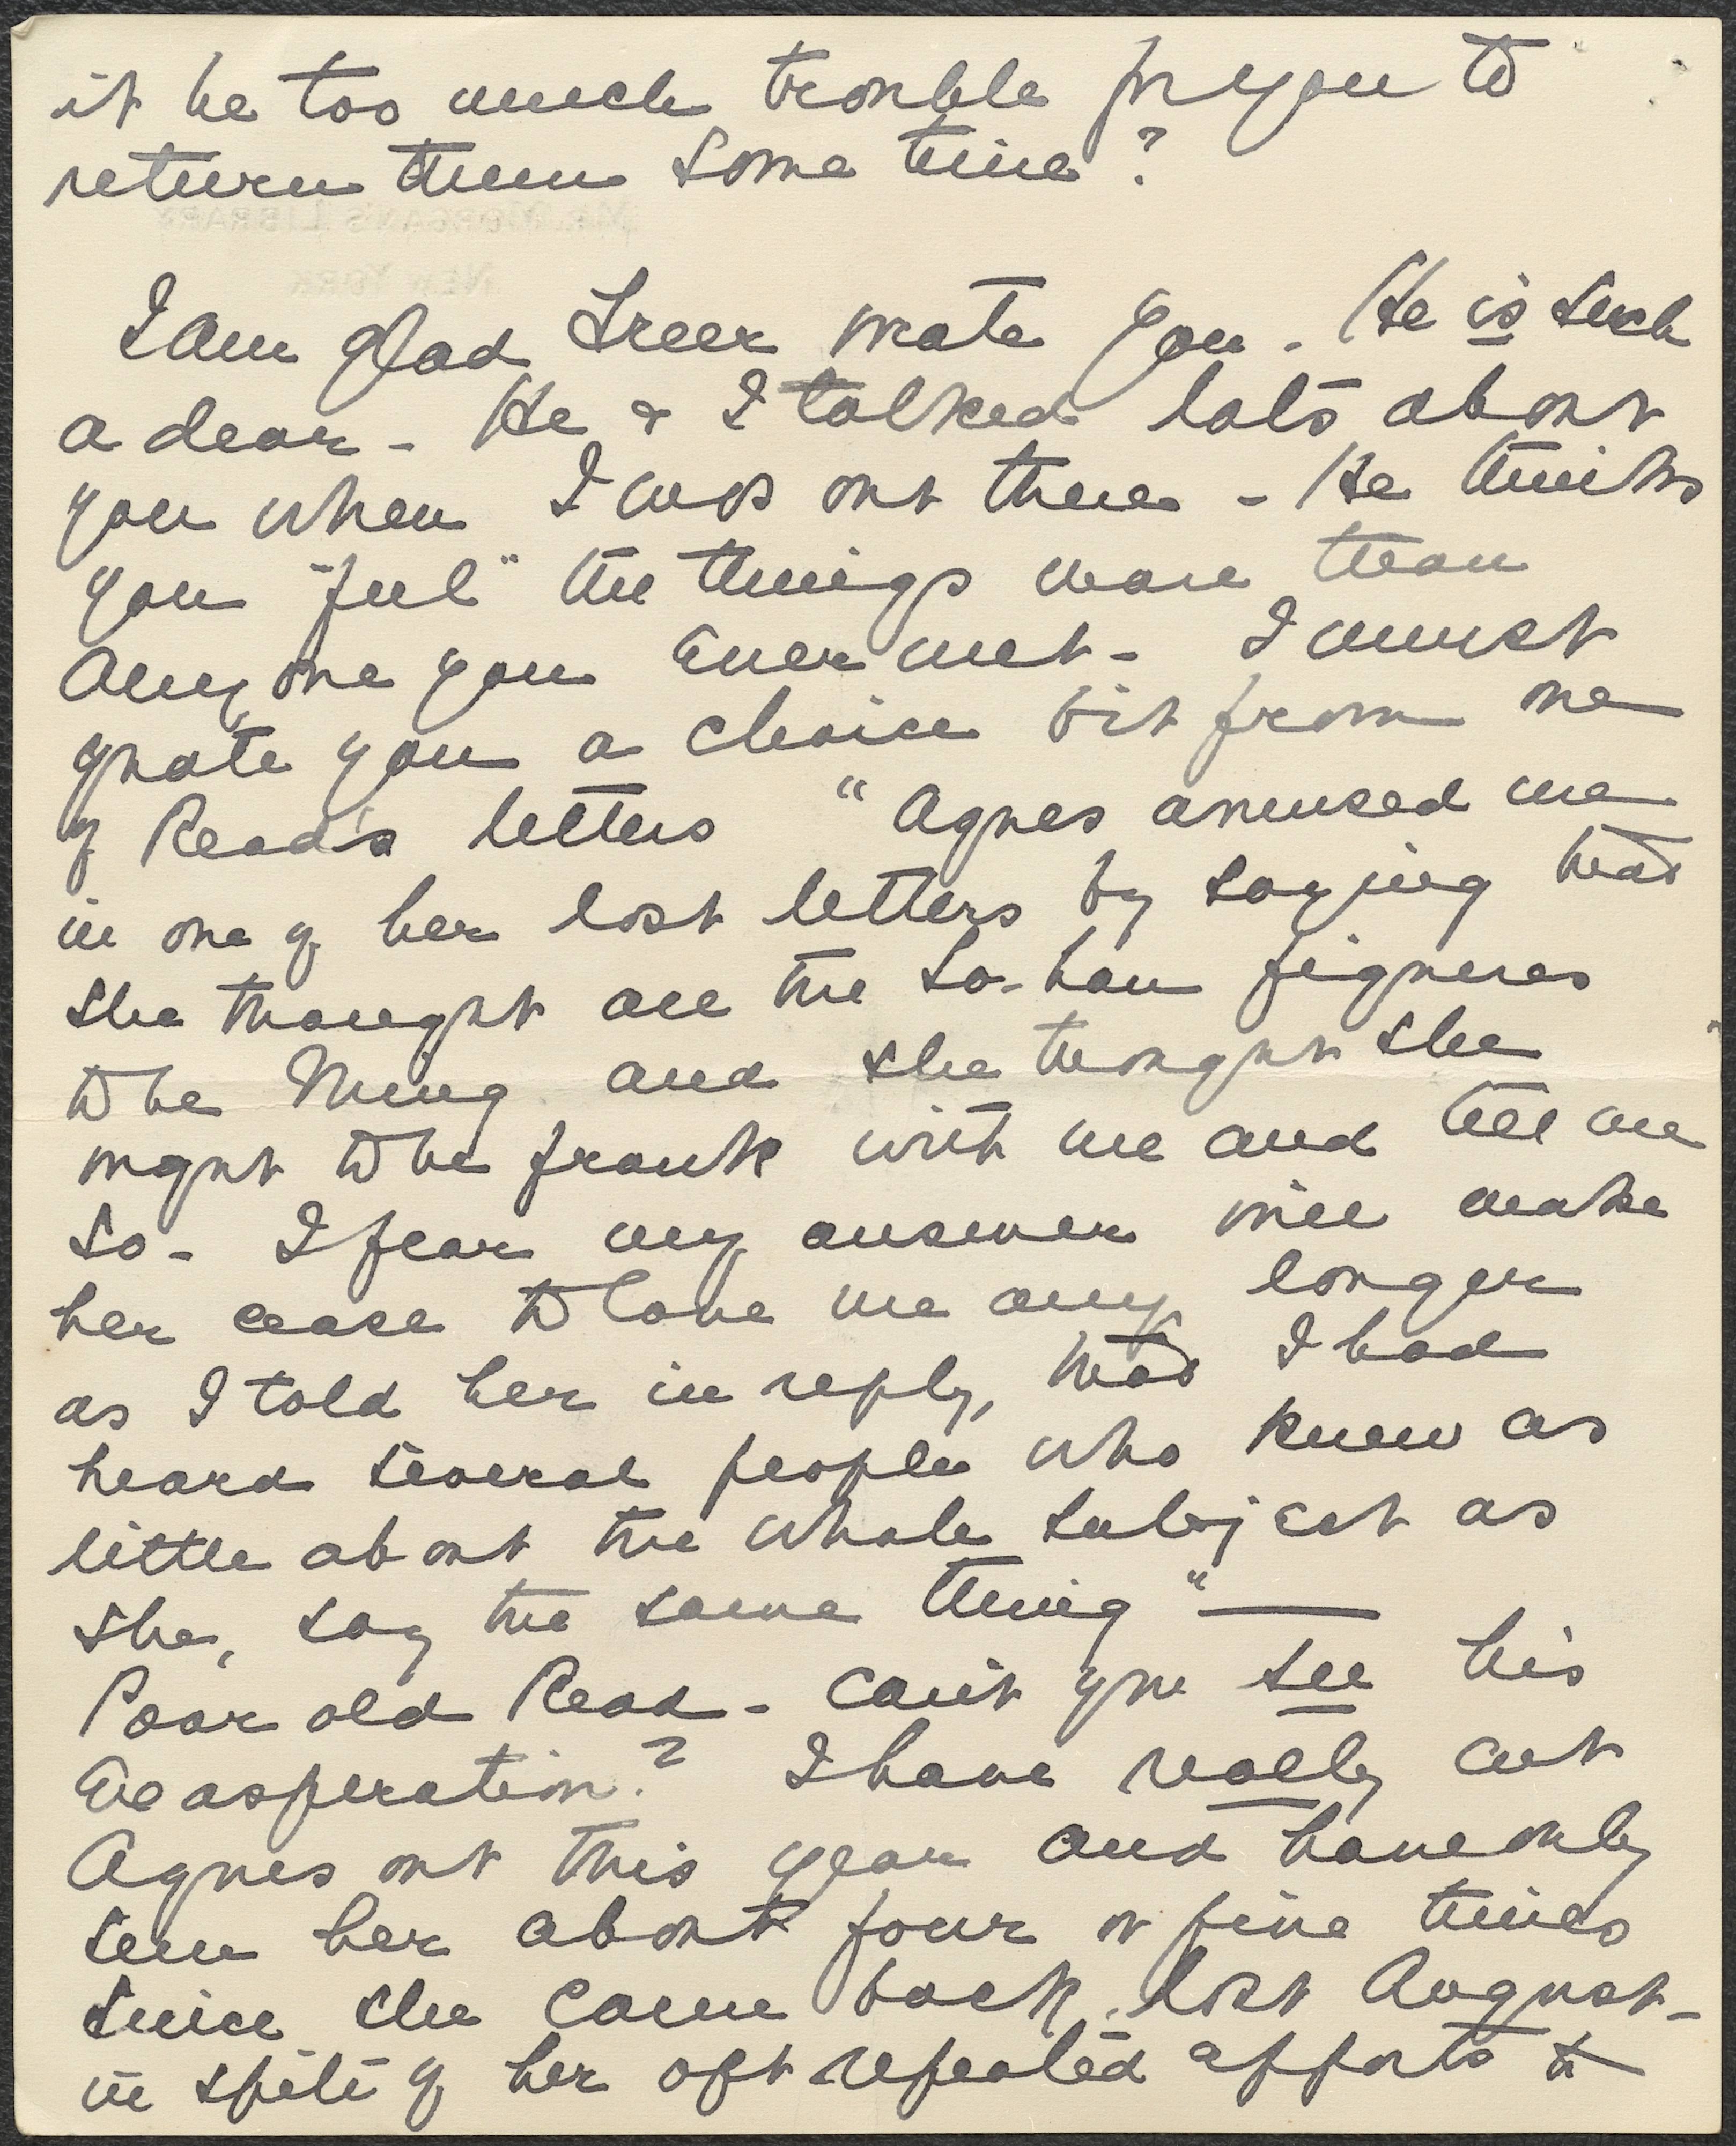it be too much trouble for you to return them some time?
I am glad Freer wrote you – He is such a dear – He & I talked lots about you when I was out there – He thinks you “feel” the things more than anyone you ever met – I must quote you a choice bit from one of Read’s letters “Agnes amused me in one of her last letters by saying that she thought all the Lo-han figures to the Ming and she thought she ought to be frank with me and tell me so – I fear any answer will make her cease to love me any longer as I told her in reply, that I had heard several people who knew as little about the whole subject as she, say the same thing" –
Poor old Read – can’t you see his exasperation? I have really cut Agnes out this year and have only seen her about four or five times since she came back last August – in spite of her oft repeated efforts &